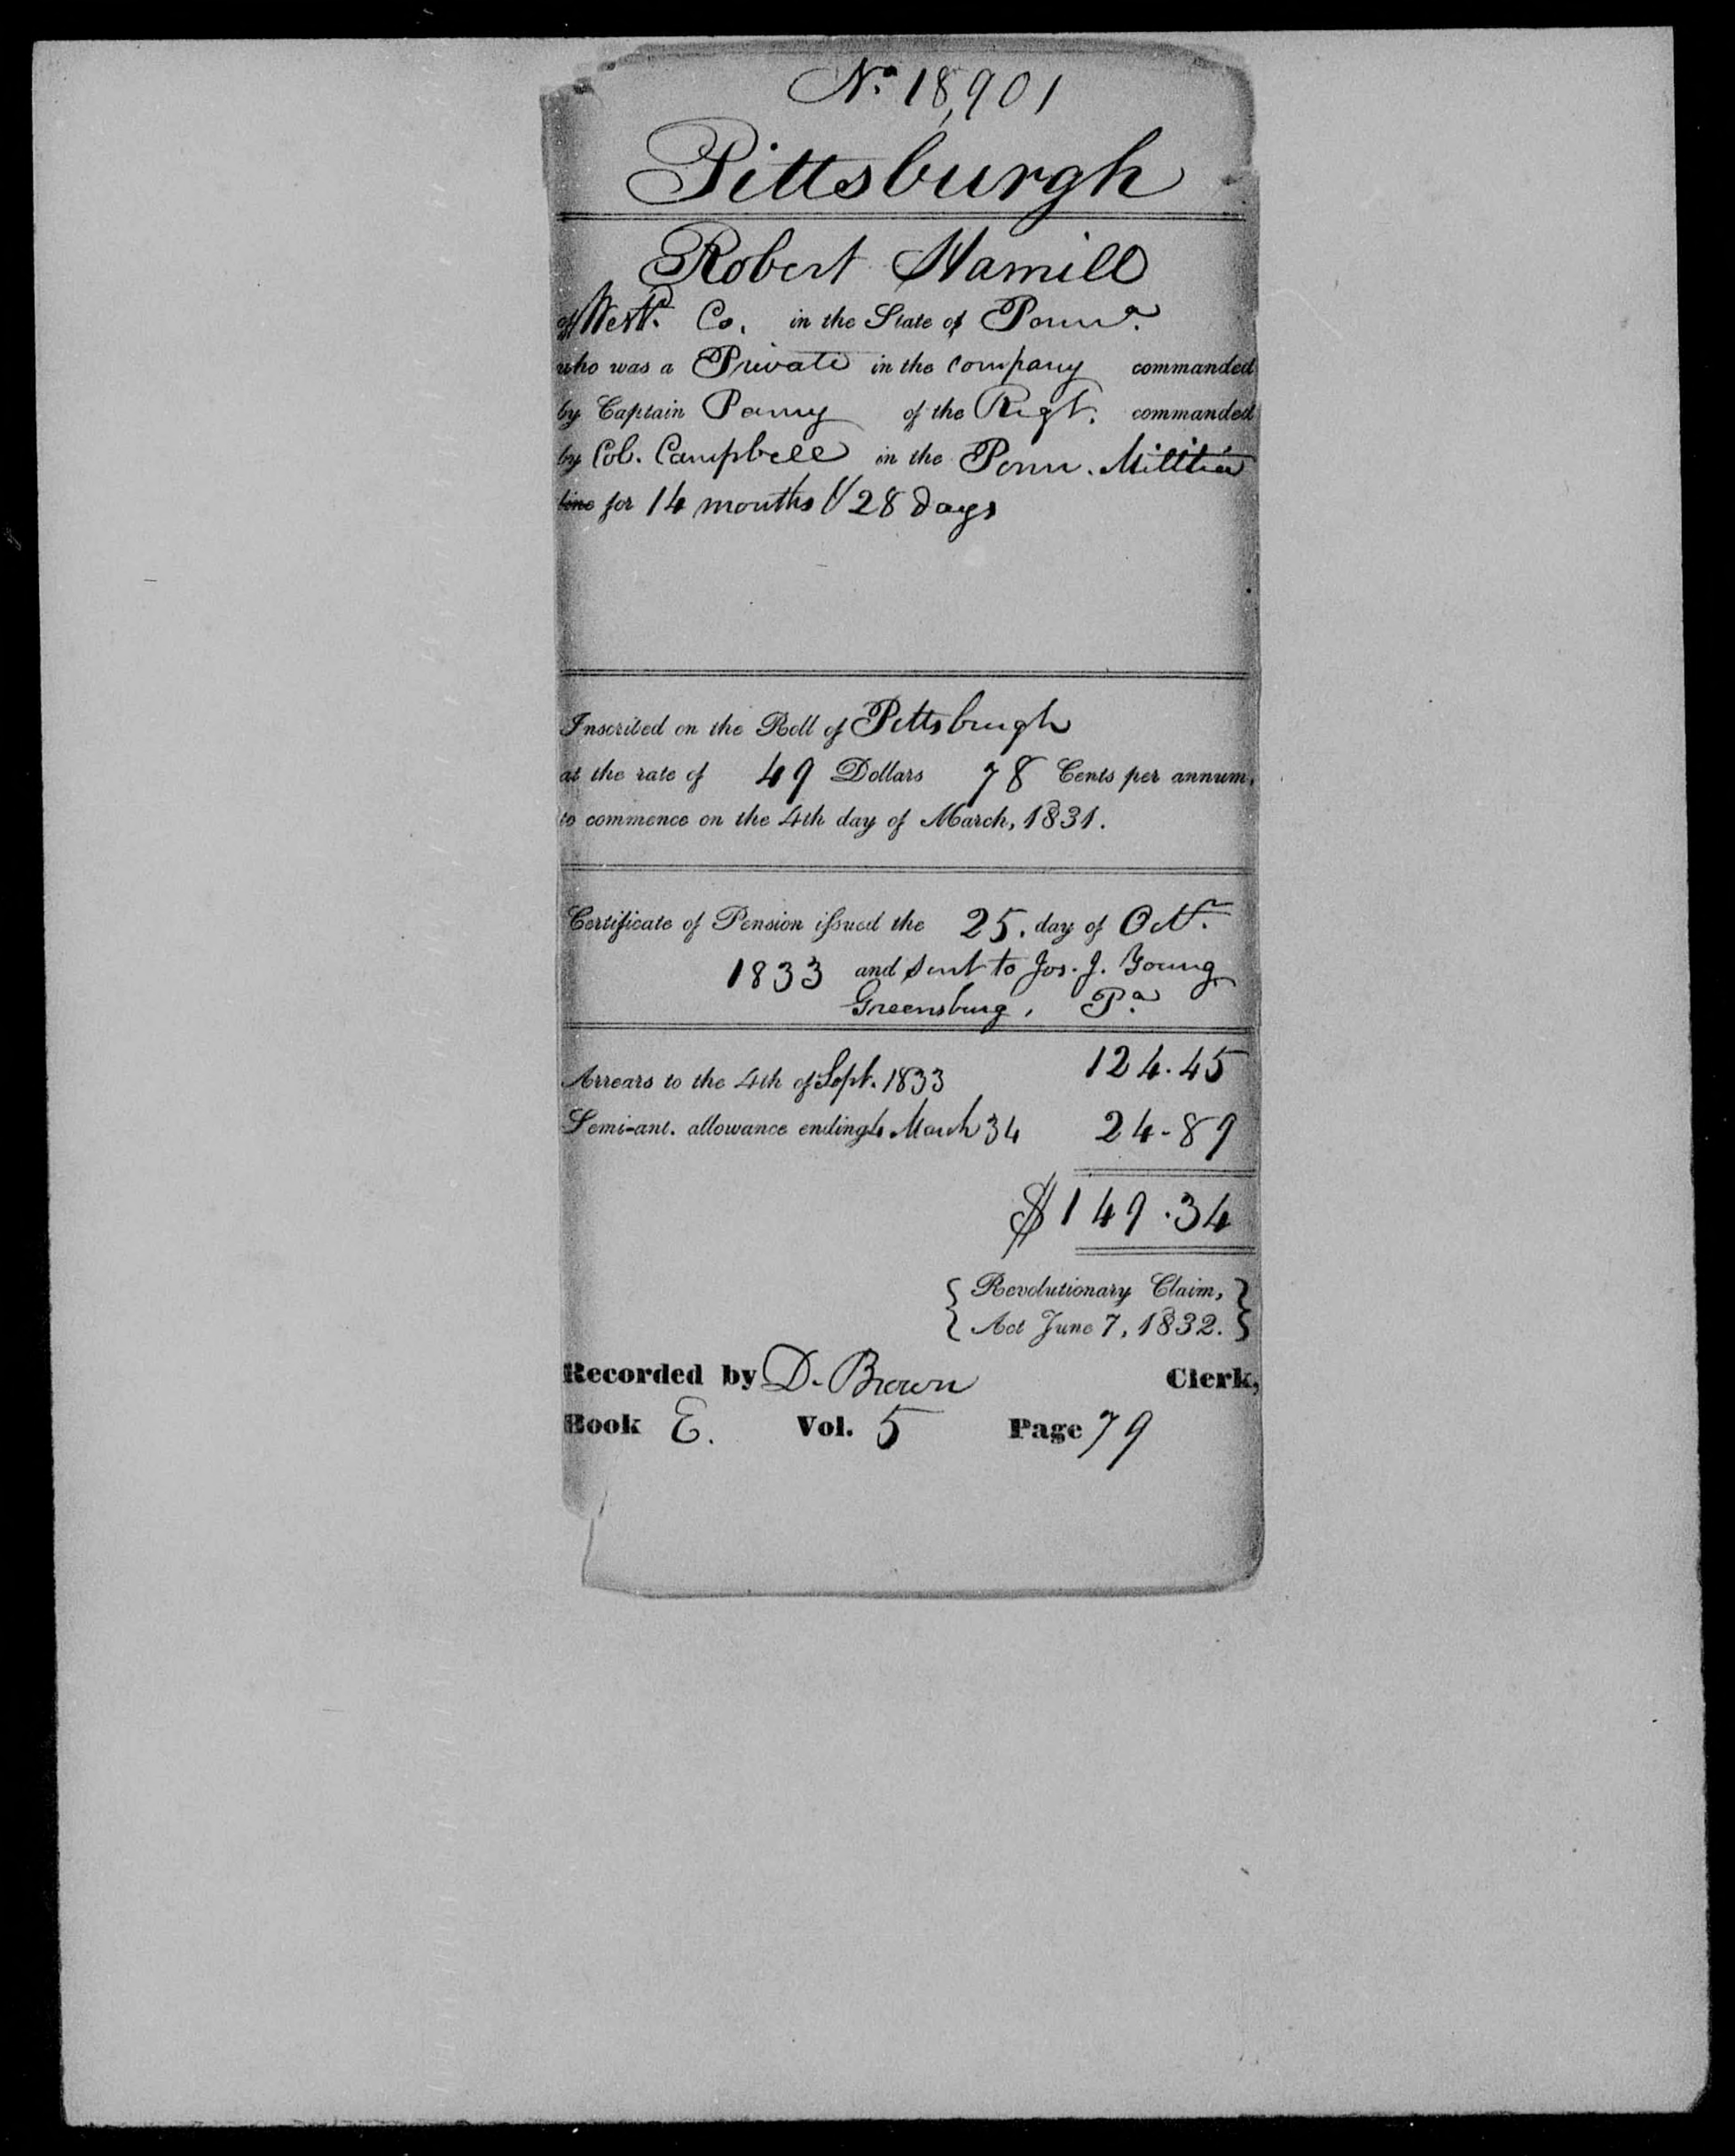N 18901
Pittsburgh
Robert Hamill
of West [Westmoreland?] Co. in the state of Penna. who was a Private in the company commanded by Captain Pourry of the Regt, commanded by Col. Campbell in the Penn Militia time for 14 months and 28 days.

Inscribed in the Roll of Pittsburgh for the rate of 49 dollars and 78 cents  per annum to commence on the 4th day of March, 1831.

Certificate of Pension issued the 25 day of Oct. 1833 and sent to Jos. J. Young Greenburg, Pa.
Arrears to the 4th of Sept. 1833         124.45
Semi anl allowance ending  March 34 24.87
                                                          $147.34
Revolutionary Claim
Act June 7, 1832
Recorded by D. Brown  Clerk
Book E  Vol. 5  Page 79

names: Paney, Campbell, Jos J Young, D Brown, Robert Hamill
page: 2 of 92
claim: widow's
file: W 1173, Robert Hamill, Penn.